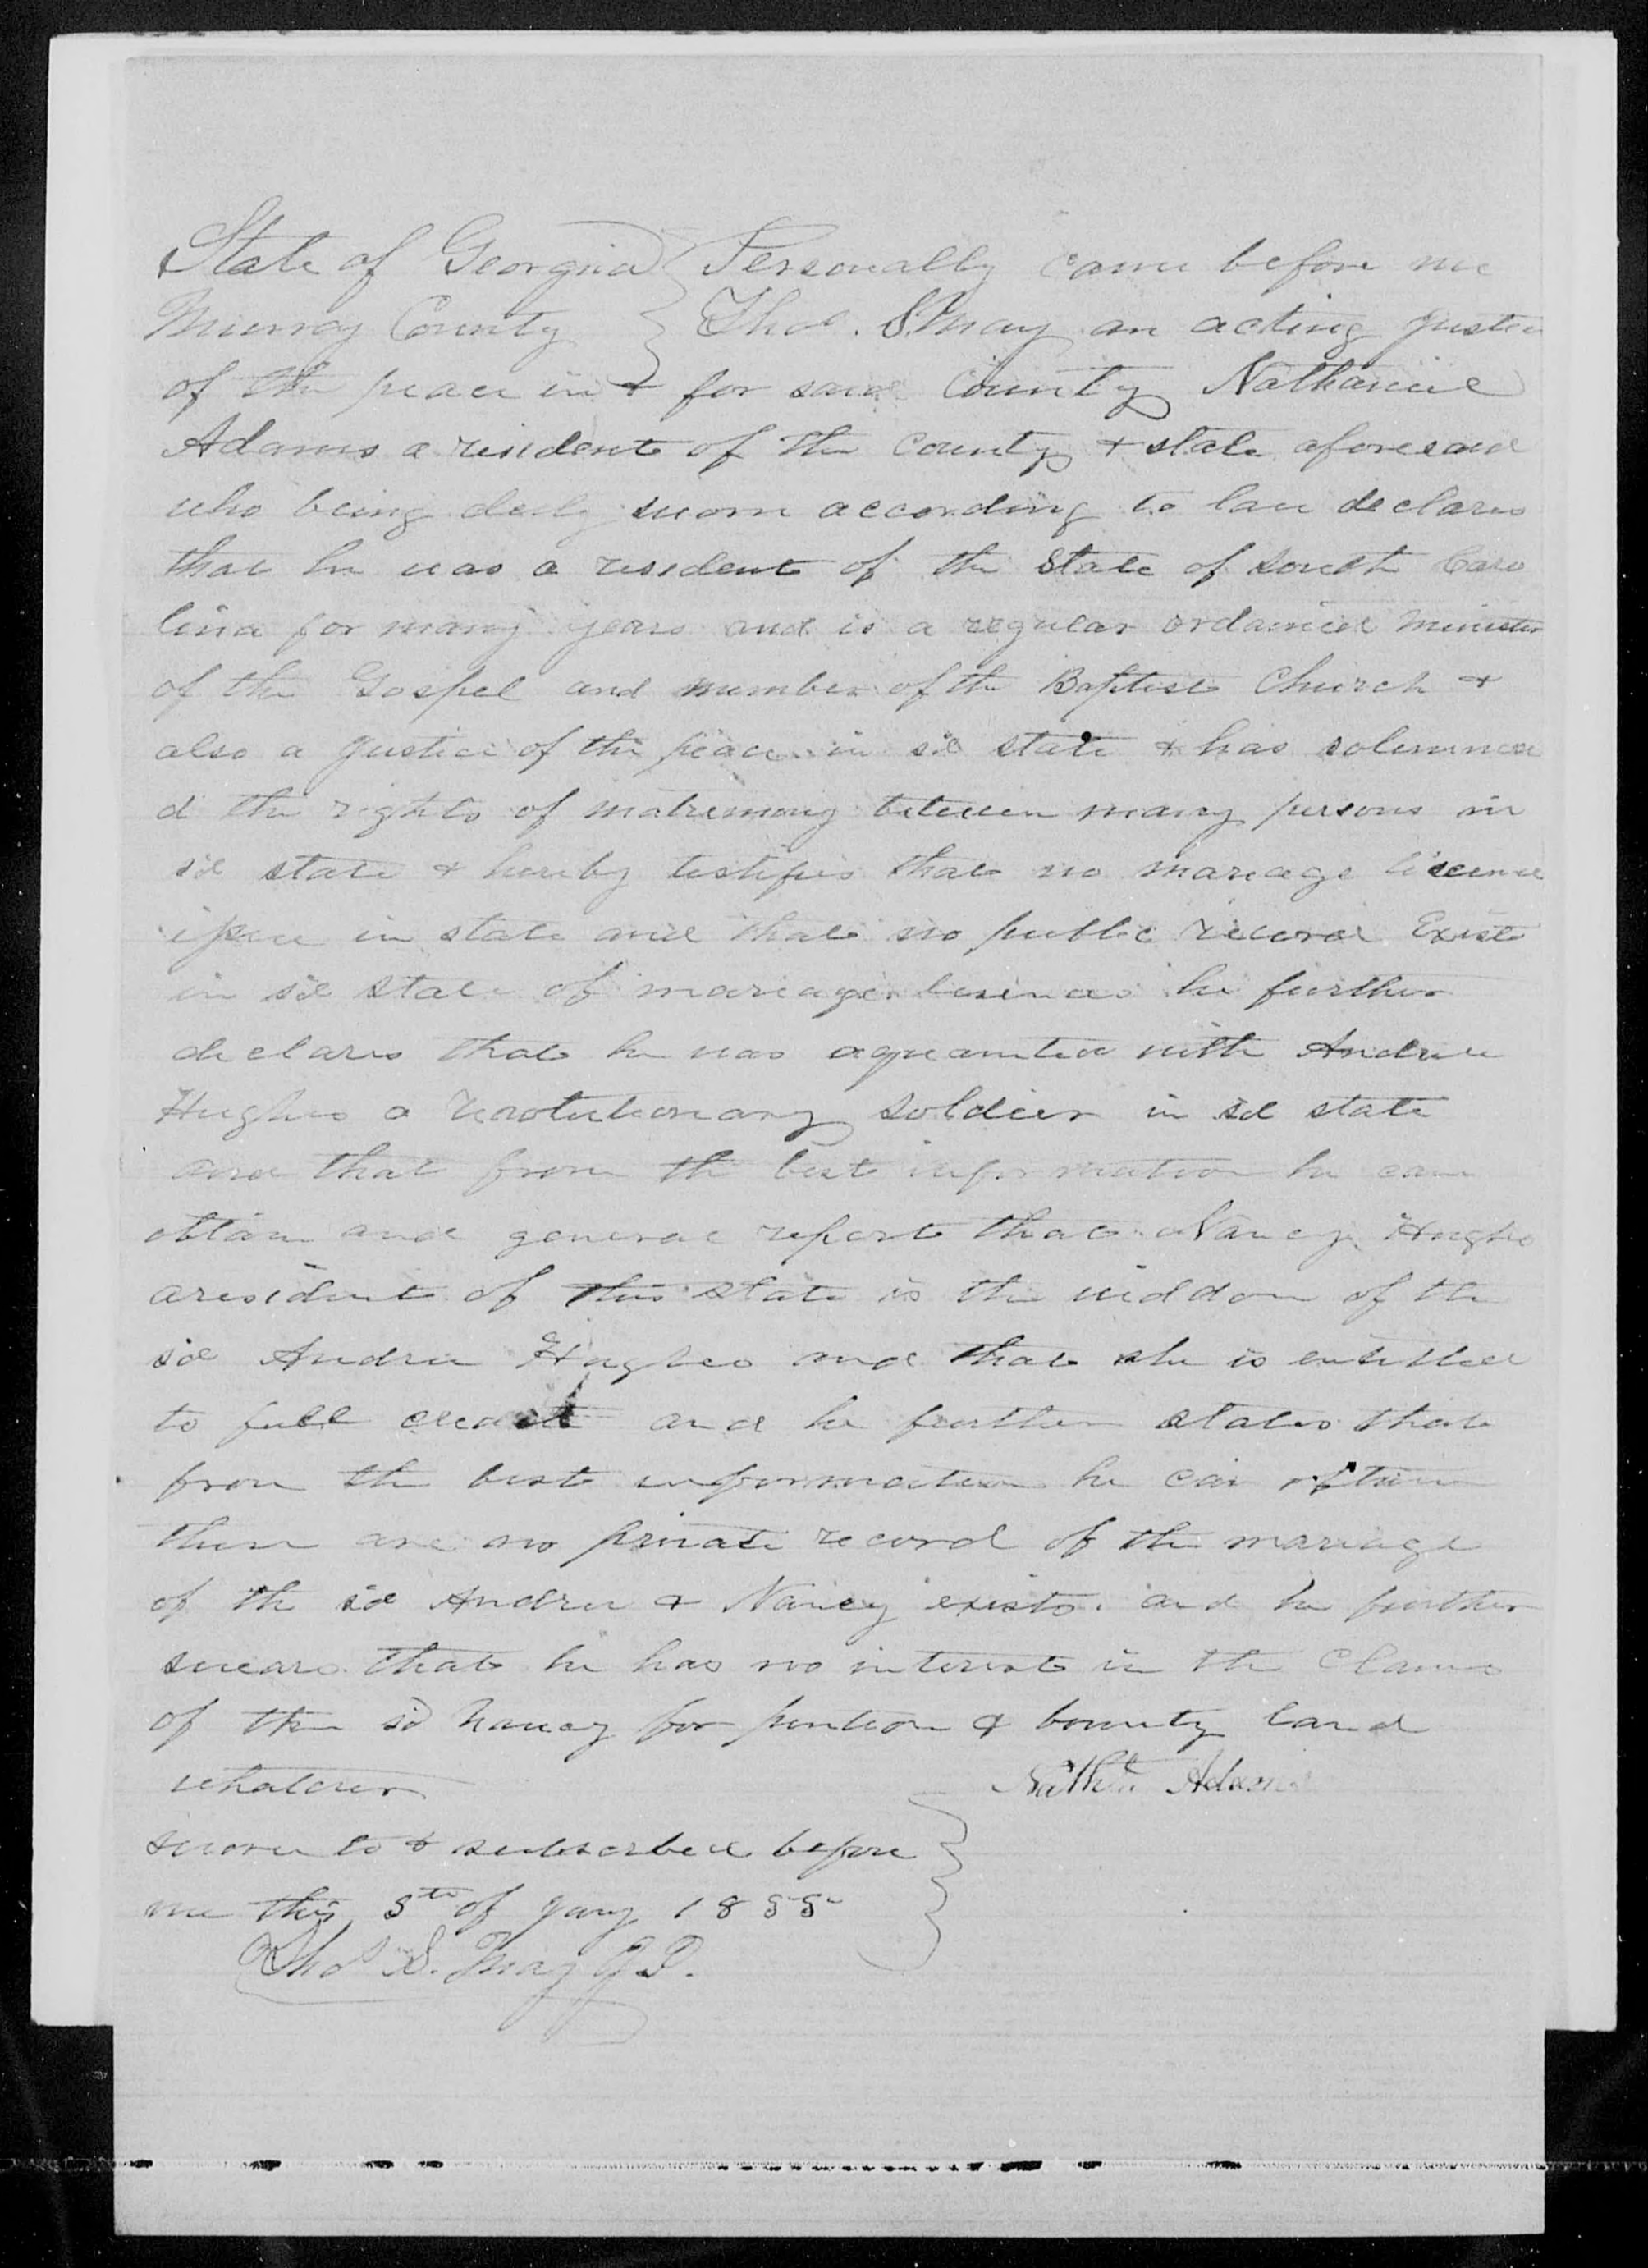State of Georgia Personally came before me Murray County ⎬ That S. May an acting Justice of the peace in & for said County Nathaniel Adams a resident of the County & State aforesaid who being duly sworn according to law declares that he was a resident of the State of South Carolina for many years and is a regular ordained Minister of the Gospel and member of the Baptist Church & also a Justice of the peace in said State & has [illegible] at
the rights of matrimony between many persons in said State & hereby testifies that no marriage licence issue in state and that no public record exists in said State of Marriage license he further declares that he was aquainted with Andrew Hughes a revolutionary soldier in said state and that from the best information he can obtain and general report that Nancy Hughes a resident of this State is the widow of the said Andrew Hughes and that she is entitled to full credit and he further states that from the best information he can obtain there are no private record of the marriage of the sd Andrew & Nancy exists, and he further swears that he has no interest in the claims of the sd money for pension & bounty land whatever 
Nath Adams 
Sworn to & subscribed before me this 5th of Jany 1855
 Thos S. May J.P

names: Nathaniel Adams, Nancy Hughes, Thos S May, Andrew Hughes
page: 43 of 75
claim: widow's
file: W. 25805, Andrew Hughes, N.C.